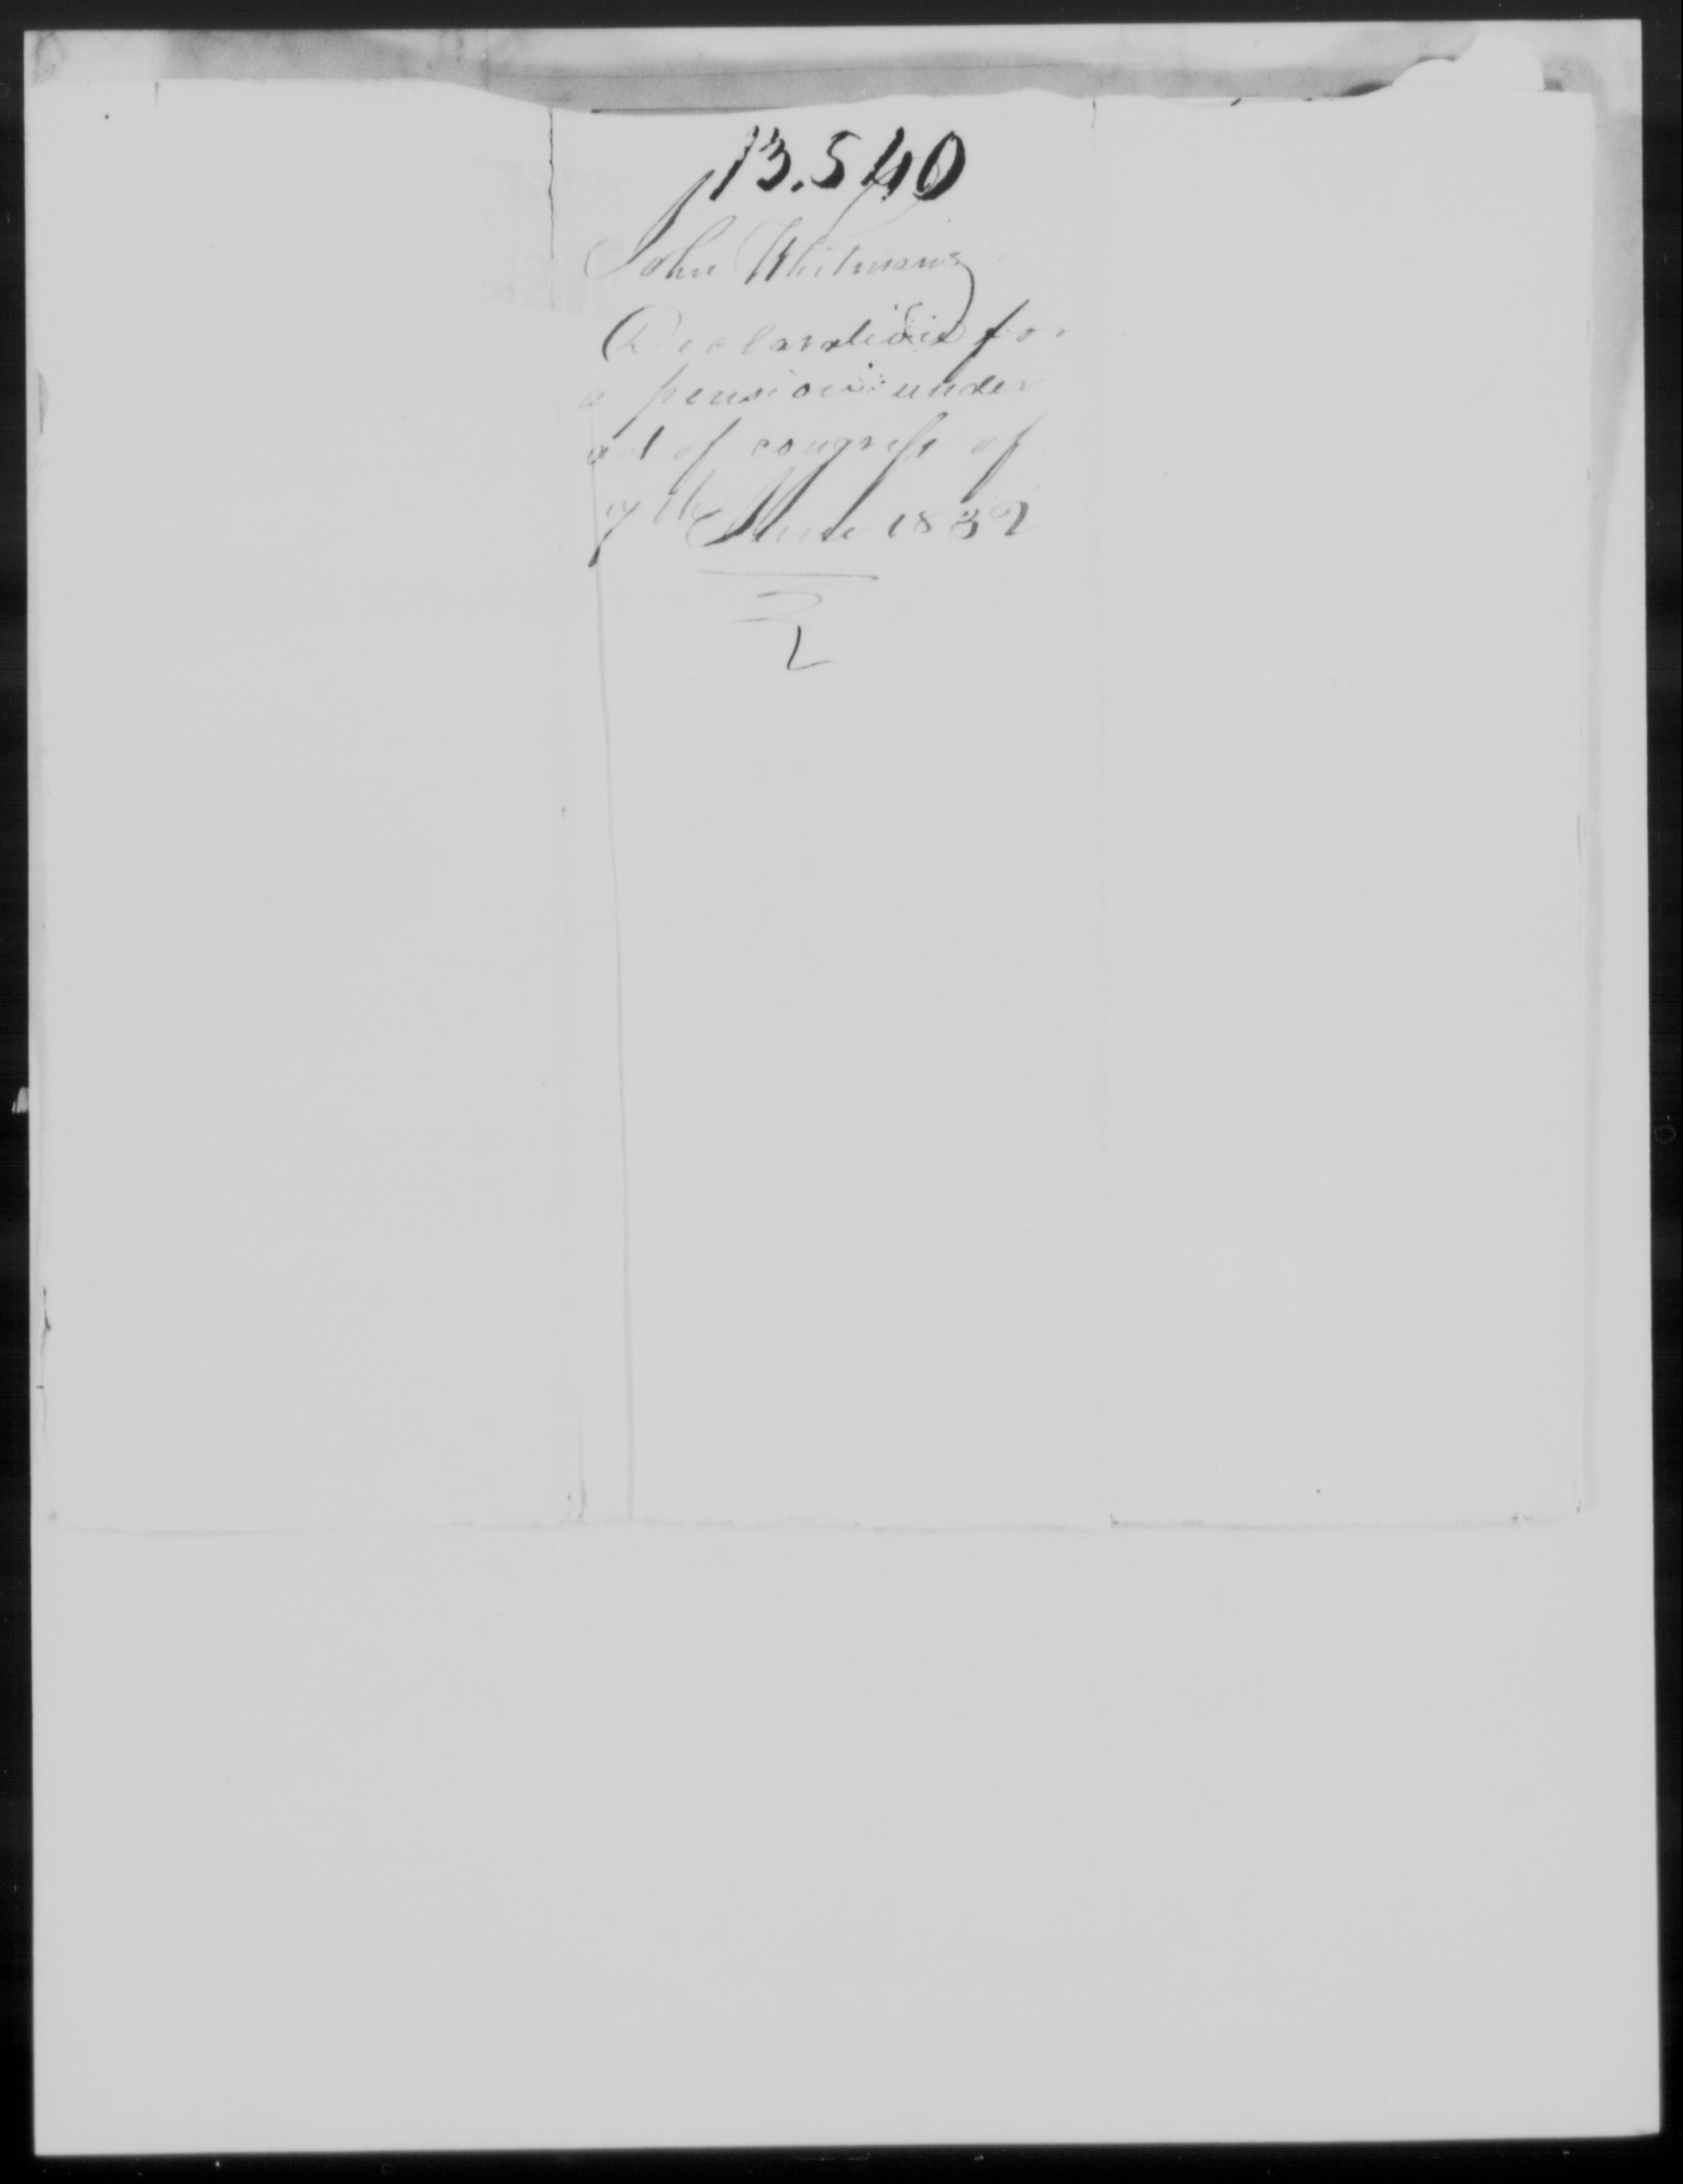13.5110
John Whitman
Declaration for
a pension under
act of congress of
7th June 1832

L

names: John Whitman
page: 3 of 22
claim: survivor's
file: S 2023, John Whitman, Va.